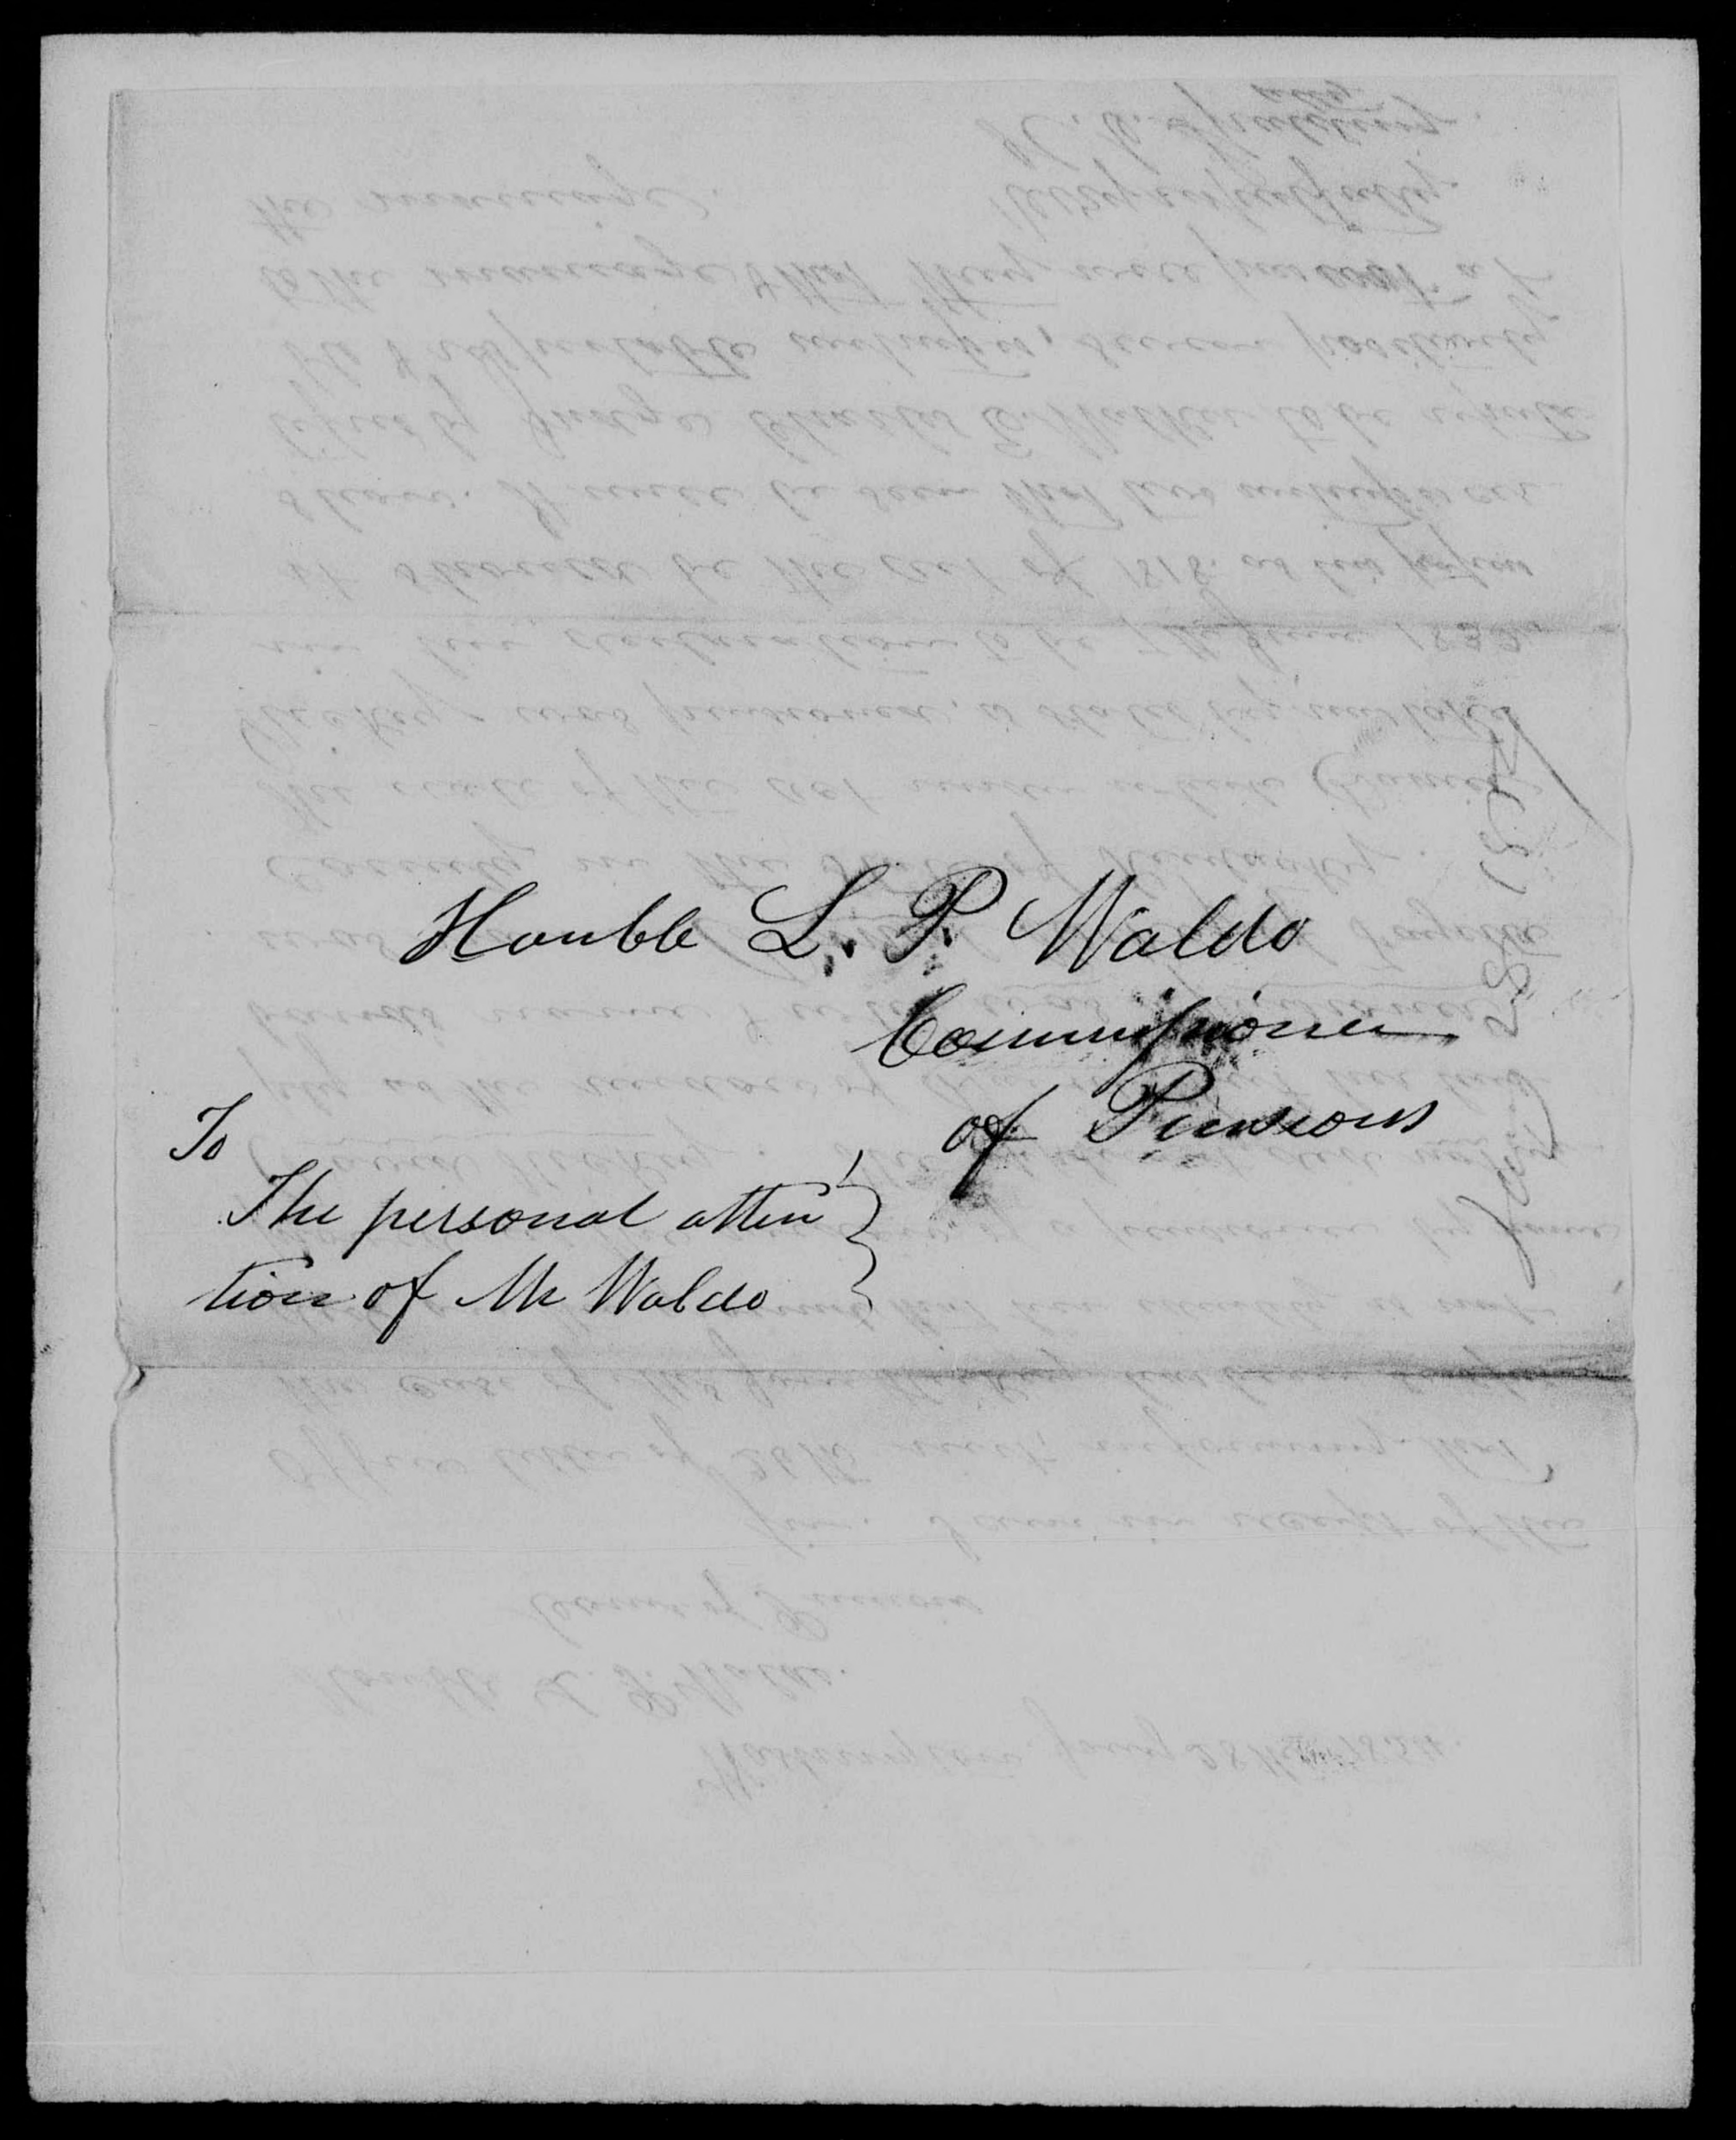Honble L.P.Waldo
Commissioner of Pensions

To the personal attention of Mr Waldo}

Jany 28 1854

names: Waldo, L P Waldo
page: 69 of 84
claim: widow's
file: W. 7744, Daniel Hickey, Penn.